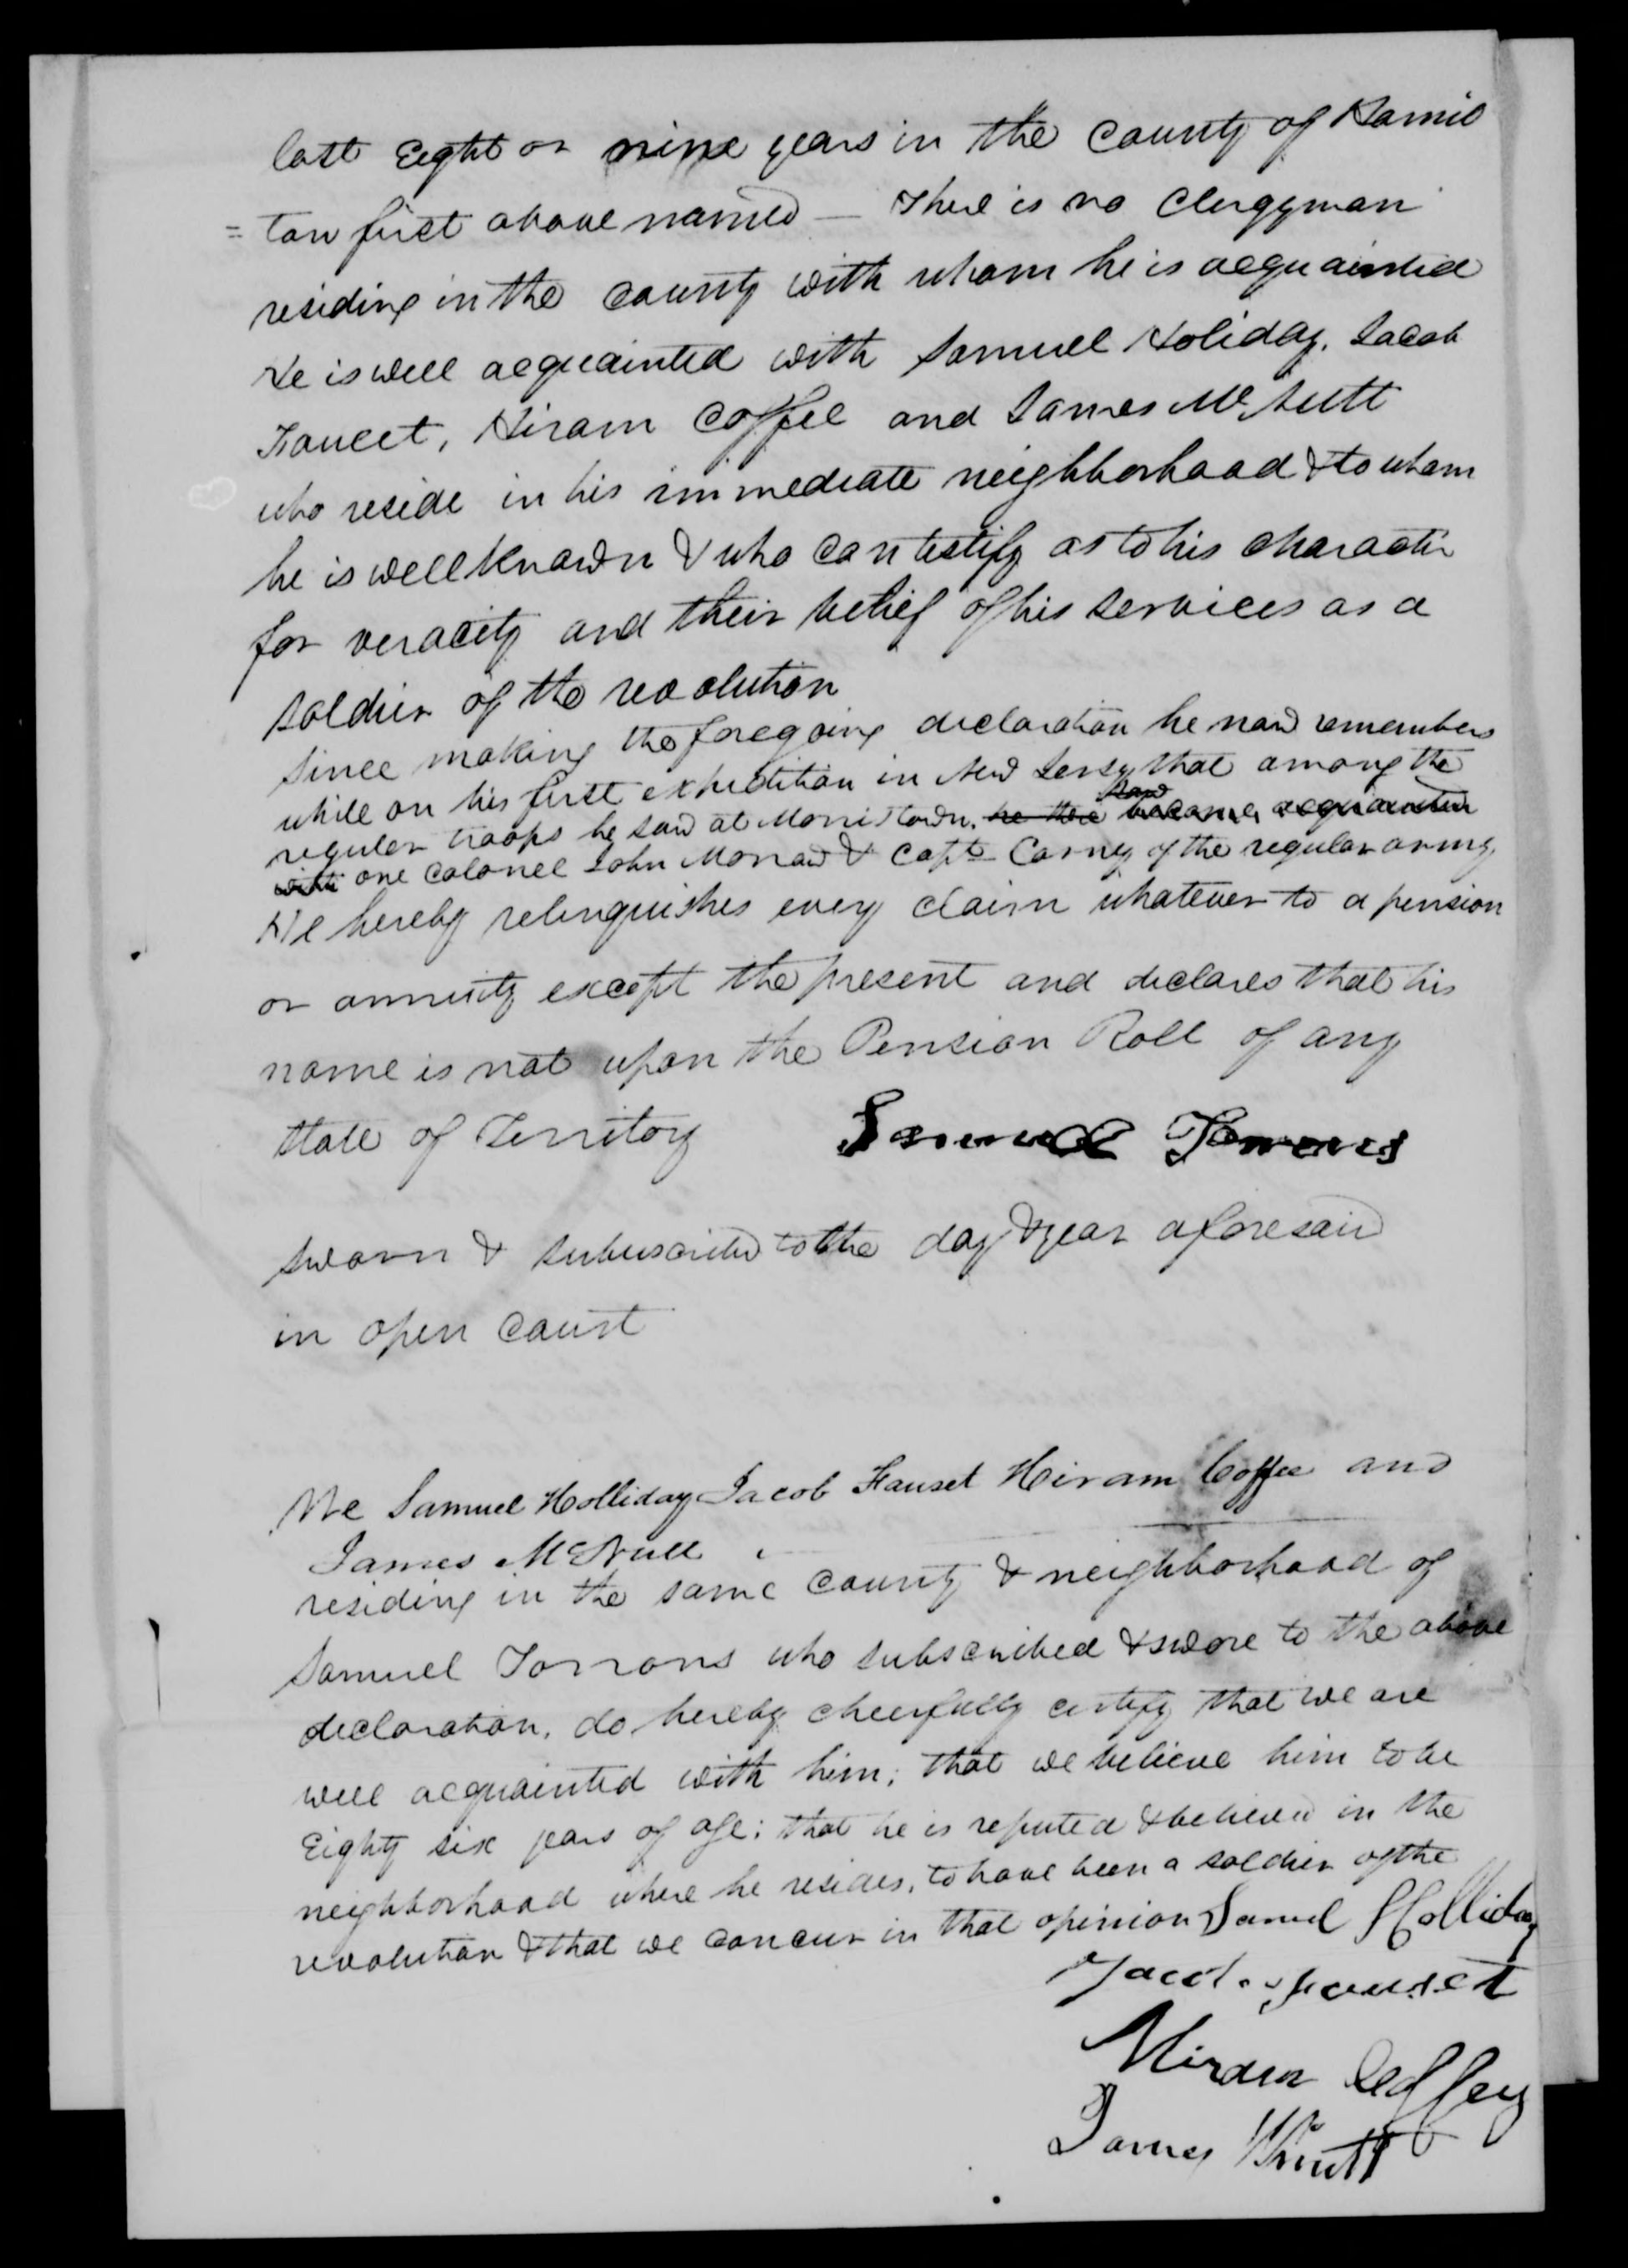last eight or nine years in the County of Hamilton first above named - There is no Clergyman residing in the county with whom he is acquainted He is well acquainted with Samuel Holiday, Jacob Fauset, Hiram Coffee and James McNutt who reside in his immediate neighborhood & to whom he is well known & who can testify as to his character for veracity and their belief of his services as a soldier of the revolution
Since making the foregoing declaration he now remembers while on his first expedition in New Jersey that among the regular troops he aw at Morristown, one Colonel John Monard & Capt. Carny of the regular army 
He hereby relinquishes every claim whatever to a pension or annuity except the present and declares that his name is not upon the Pension Roll of any State or Territory Samuel Torrens
Sworn & Subscribed to the day & year aforesaid in open Court
We Samuel Holliday Jacob Fauset Hiram Coffee and James McNutt
residing in the same county & neighborhood of Samuel Torrons who subscribed & swore to the above declaration, do hereby cheerfully certify that we are well acquainted with him; that we believe him to be eighty six years of age; that he is reputed & believed in the neighborhood where he resides, to have been a soldier of the revolution & that we concur in that opinion Samuel Holliday
Jacob Fauset
Hiram Coffey
James McNutt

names: Hiram Coffee, Samuel Torrens, Carny, James Mc Nutt, Jacob Fauset, John Monard, James Mc Nutt, Samuel Torrans, Jacob Fauset, Hiram Coffee, Samuel Holliday, James Mc Nutt, Samuel Holiday, Samel Holliday, Hiram Coffey, Jacob Faucet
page: 11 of 27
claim: widow's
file: W. 9860, Samuel Torrons, Va.